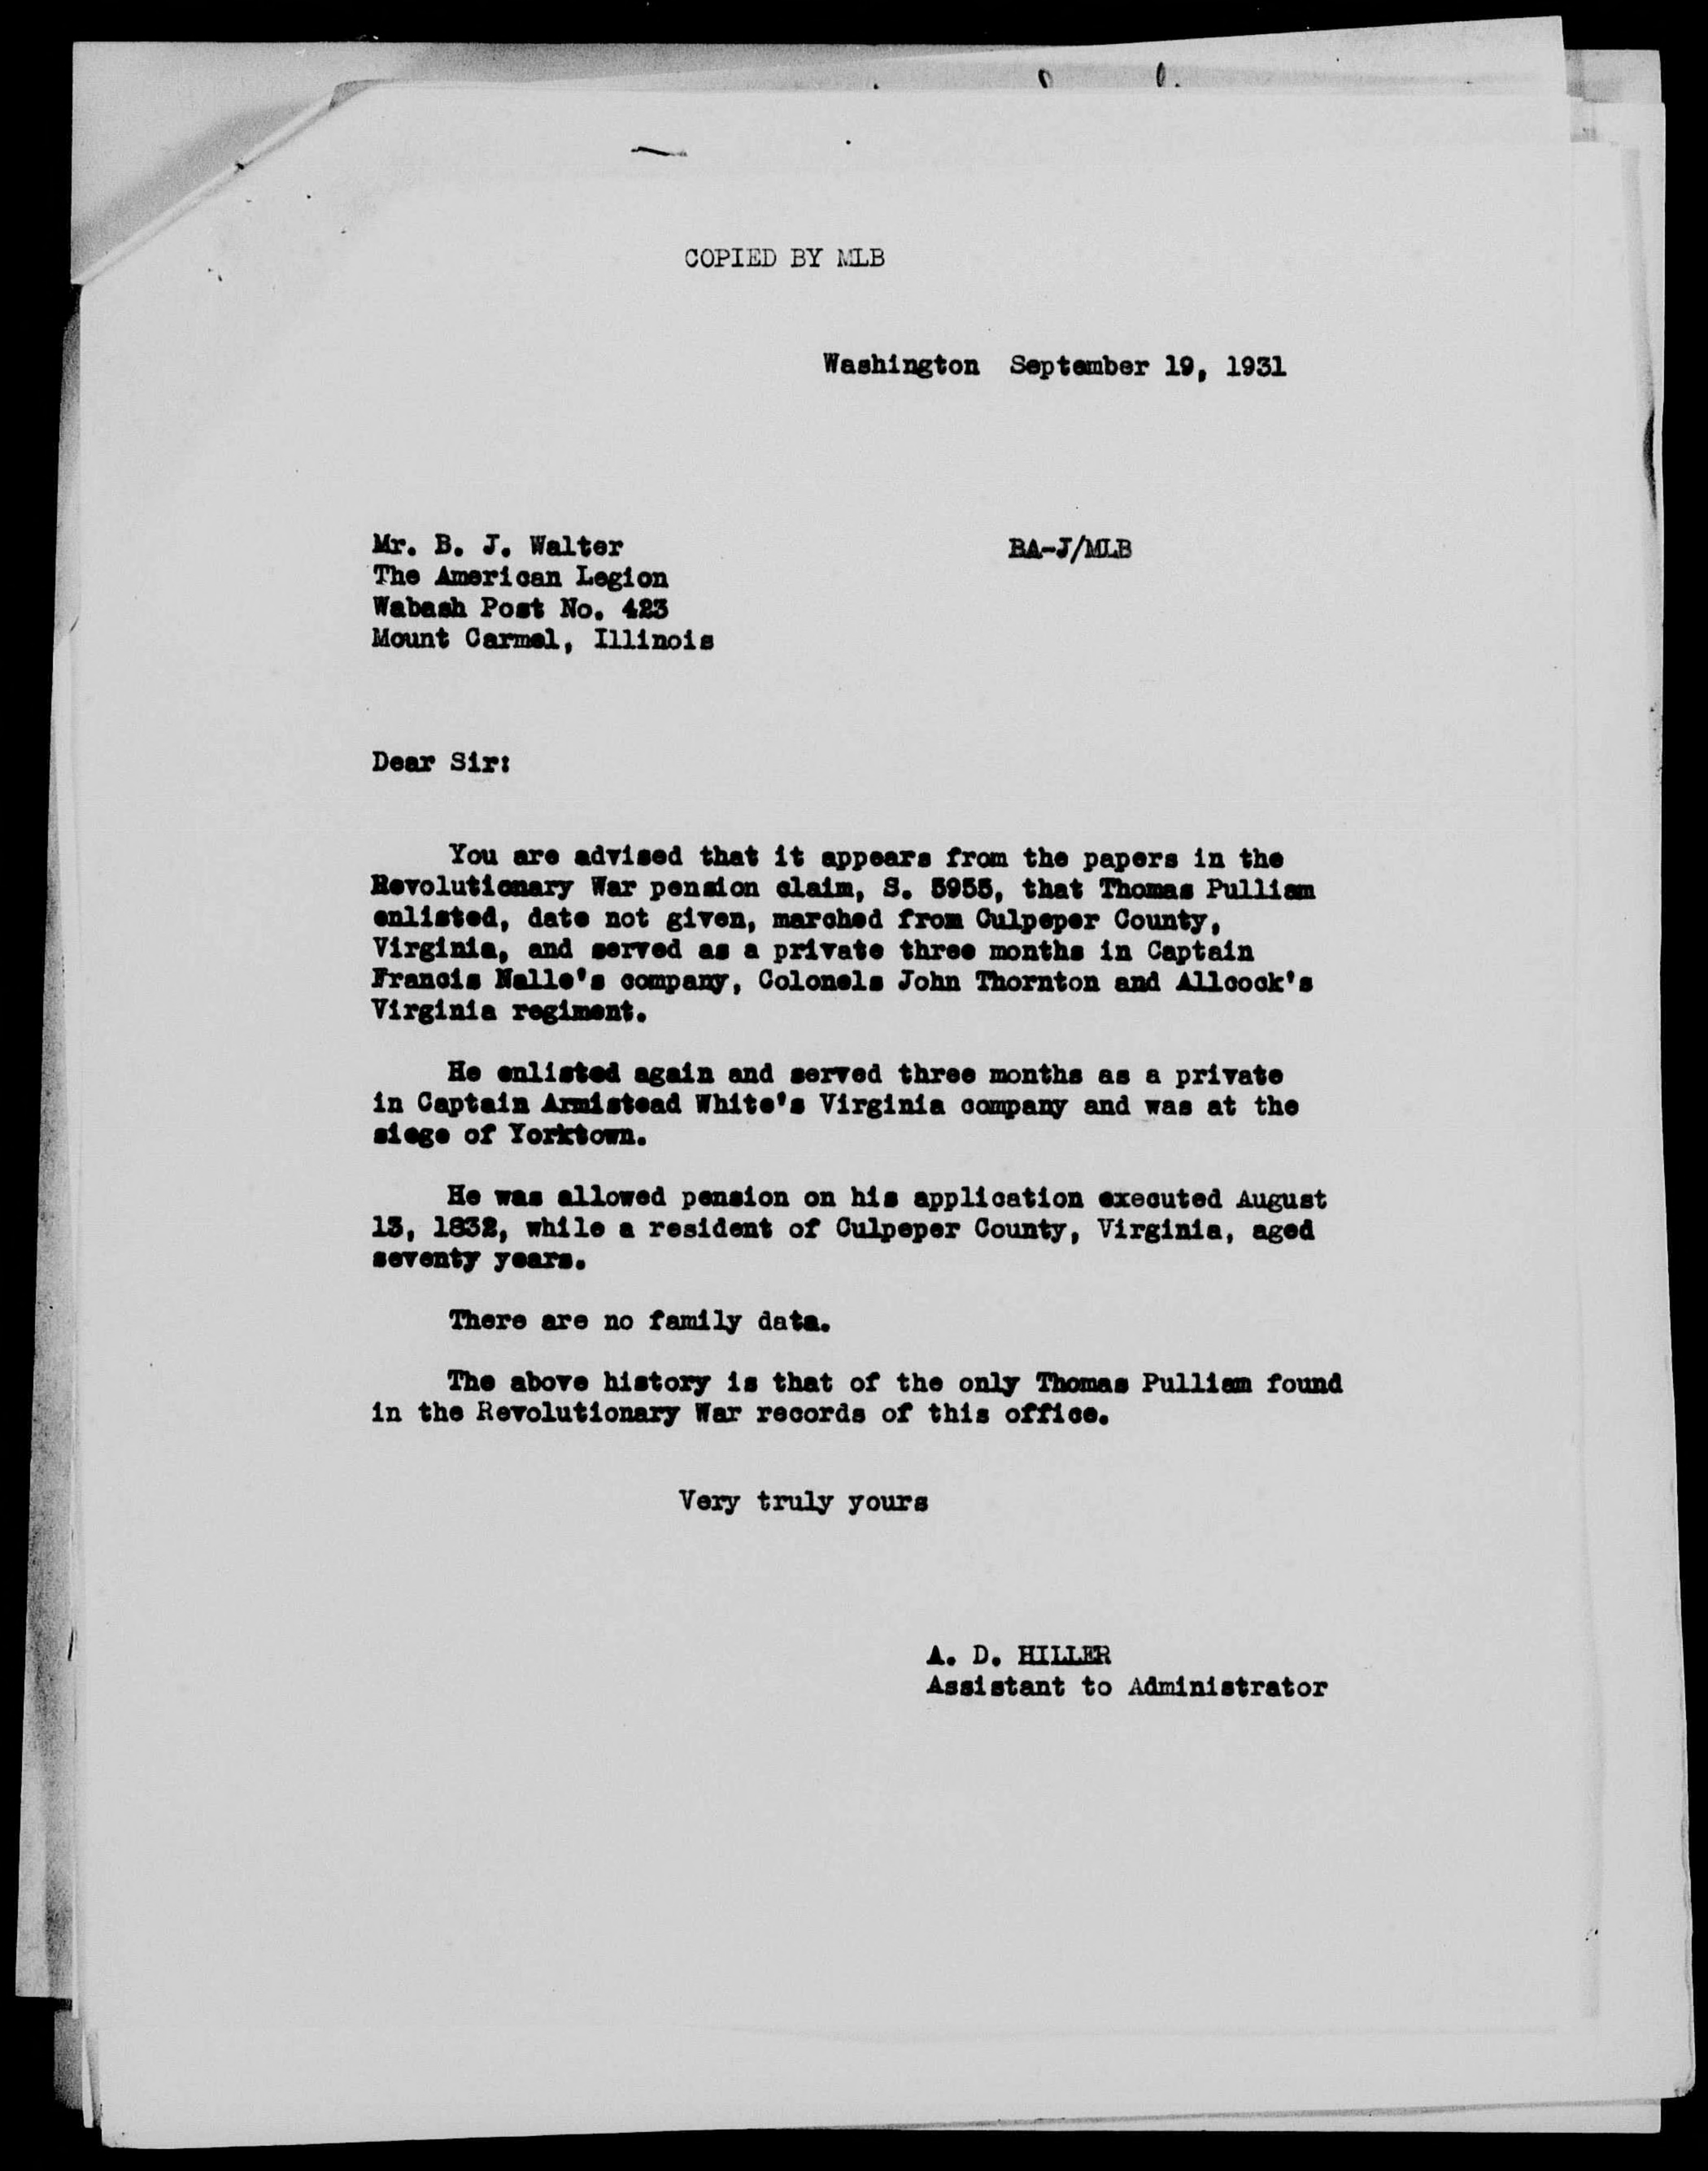COPIED BY MLB

Washington September 19, 1931
BA-J/MLB

Mr. B. J. Walter
The American Legion
Wabash Post No. 425
Mount Carmel, Illinois

Dear Sir:

You are advised that it appears from the papers in the
Revolutionary War pension claim, S. 5955, that Thomas Pulliam
enlisted, date not given, marched from Culpeper County,
Virginia, and served as a private three months in Captain
Francis Nalle's company, Colonels John Thornton and Allcock's
Virginia regiment.

He enlisted again and served three months as a private
in Captain Armistead White's Virginia company and was at the
siege of Yorktown.

He was allowed pension on his application executed August
15, 1832, while a resident of Culpeper County, Virginia, aged
seventy years.

There are no family data.

The above history is that of the only Thomas Pulliam found
in the Revolutionary War records of this office.

Very truly yours

A. D. HILLER
Assistant to Administrator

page: 11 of 27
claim: survivor's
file: S. 5,955, for Thomas Pulliam, Virginia